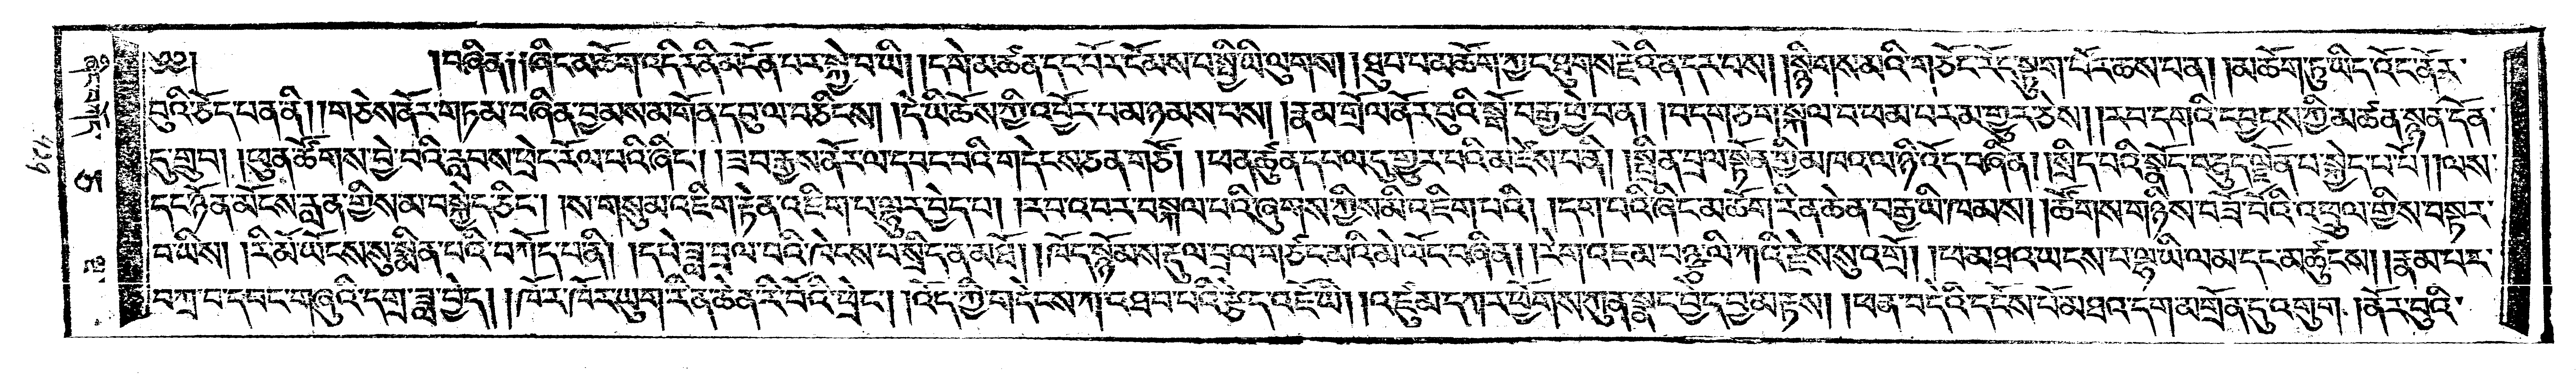༄༅། །བཞིན། །ཞང་མཆོག་འདིར་ནི་མངོན་པར་སྐྱེ་བ་ཡི། །དགེ་མཚན་དང་པོར་ངོམས་པ་སྤྱི་ཡི་ལུགས། །ཐུབ་པ་མཆོག་ཀྱང་ཐུགས་རྗེའི་ན་དར་བས། །སྙིགས་མའི་གཅོང་རོང་སྟུག་པོར་ཆས་པ་ན། །མཆོག་ཏུ་ཡིད་འོང་ནོར་
བུའི་ཅོད་པན་ནི། །གཅེས་ནོར་གཏམ་བཞིན་བྱམས་མགོན་དབུ་ལ་བཅིངས། །དེ་ཡི་ཆོས་ཀྱི་འབྱོར་པ་མ་ཉམས་པས། །རྣམ་གྲོལ་ནོར་བུའི་སྒོ་བརྒྱ་ཕྱེ་བ་ན། །བདག་ཅག་སྐལ་བ་ཕམ་པར་མ་གྱུར་ཅེས། །རབ་དགའི་དབྱངས་ཀྱི་མཚན་སྙན་དོན་
དུ་གྲུབ། །ཕུན་ཚོགས་བྱེ་བའི་རླབས་ཕྲེང་རོལ་པའི་ཞིང་། །ཟབ་རྒྱས་ནོར་ལ་དབང་བའི་གདེངས་ཅན་གཙོ། །ཕན་ཚུན་དཔལ་དུ་གྱུར་པའི་མཛེས་པ་ནི། །སྤྲིན་བྲལ་སྟོན་གྱི་མཁའ་ལ་ཉི་འོང་བཞིན། །སྲིད་པའི་སྣོད་བཅུད་ལྗོན་པ་སྐྱེད་པ་པོ། །ལས་
དང་ཉོན་མོངས་རླན་གྱིས་མ་བསྐྱེད་ཅིང་། །ས་གསུམ་འཇིག་རྟེན་འཇིག་པ་ལྷུར་བྱེད་པ། །རབ་འབར་བསྐལ་པའི་ཞུགས་ཀྱིས་མི་འཇིག་པའི། །དག་པའི་ཞིང་མཆོག་རིན་ཆེན་བརྒྱ་ཡི་ཁམས། །ཚོགས་གཉིས་བཟོ་བོའི་འཕྲུལ་གྱིས་བསྟར་
བ་ཡིས། །རི་མོ་ཡོངས་སུ་སྨིན་པའི་བཀོད་པ་ནི། །དཔེ་ཟླ་བྲལ་བའི་ཁེངས་པ་སྲིད་ན་མཐོ། །ཁོང་སྙོམས་རྡུལ་བྲལ་གཙང་མའི་མེ་ལོང་བཞིན། །རེག་འཇམ་པཉྩ་ལི་ཀའི་རྗེས་སུ་འགྲོ། །ཕ་མཐའ་ཡངས་པ་ལྷ་ཡི་ལམ་དང་མཚུངས། །རྣམ་པར་
བཀྲ་བ་དབང་གཞུའི་དགྲ་ཟླ་བྱེད། །ཁོར་ཁོར་ཡུག་རིན་ཆེན་རི་བོའི་ཕྲེང་། །འོད་ཀྱི་གདེངས་ཀ་འཐབ་པའི་རྩེད་འཇོ་ཡི། །འཛུམ་དཀར་ཕྱོགས་ཀུན་སྣང་བྱེད་བྱ་མ་རྟགས། །ཕན་བདེའི་དངོས་པོ་མཐའ་དག་མགྲོན་དུ་འགུག །ནོར་བུའི་